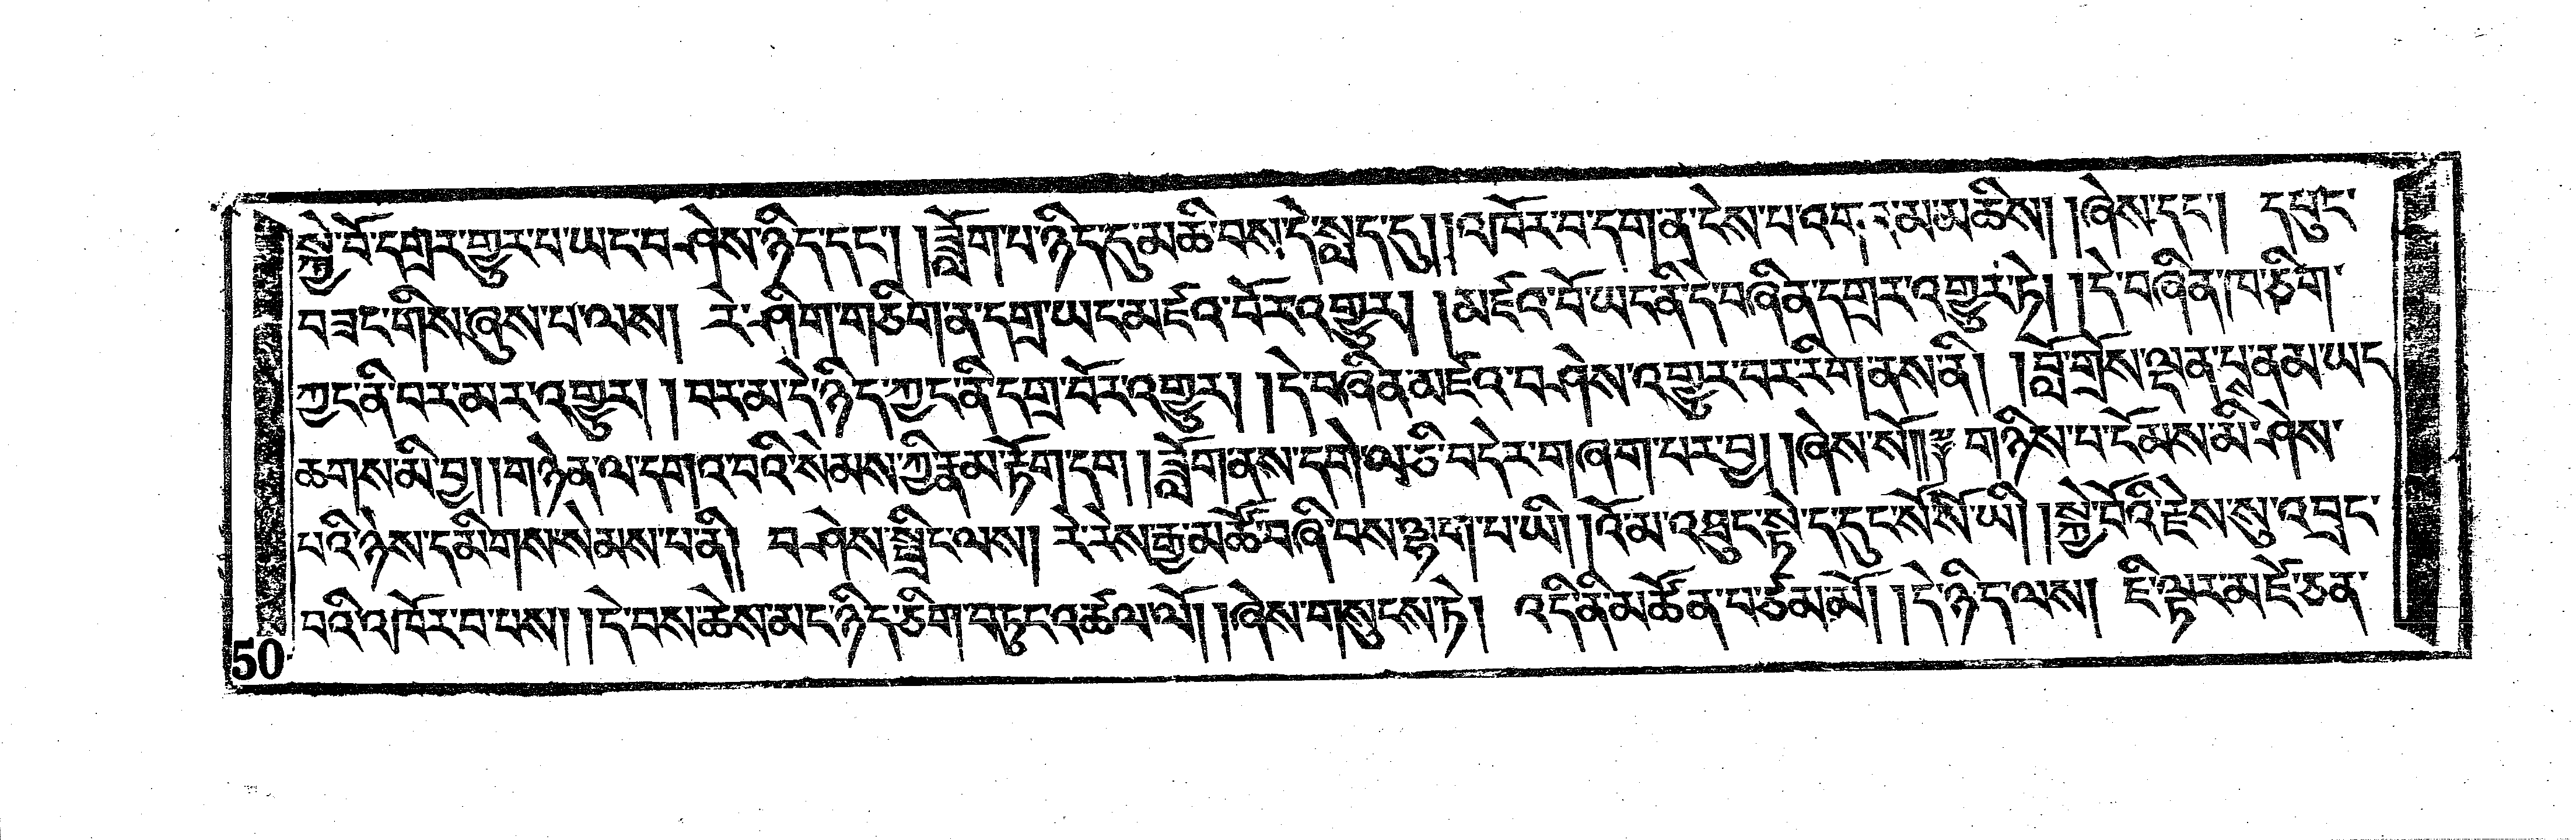སྐྱེ་བོ་དགྲར་གྱུར་པ་ཡང་བཤེས་ཉིད་དང་། །ཟློག་པ་ཉིད་དུ་མཆི་བས་དེ་སླད་དུ། །འཁོར་བ་དག་ན་ངེས་པ་འགའ་མ་མཆིས། །ཞེས་དང་། དཔུང་
བཟང་གིས་ཞུས་པ་ལས། རེ་ཤིག་གཅིག་ན་དགྲ་ཡང་མཛའ་བོར་འགྱུར། །མཛའ་བོ་ཡང་ནི་དེ་བཞིན་དགྲར་འགྱུར་ཏེ། །དེ་བཞིན་ཁ་ཅིག་
ཀྱང་ནི་བར་མར་འགྱུར། །བར་མ་དེ་ཉིད་ཀྱང་ནི་དགྲ་བོར་འགྱུར། །དེ་བཞིན་མཛའ་བཤེས་འགྱུར་བར་རིག་ནས་ནི། །བློ་གྲོས་ལྡན་པས་ནམ་ཡང་
ཆགས་མི་བྱ། །གཉེན་ལ་དགའ་བའི་སེམས་ཀྱི་རྣམ་རྟོག་དག །ཟློག་ནས་དགེ་ལ་ཅི་བདེར་གཞག་པར་བྱ། །ཞེས་སོ།། ༈ གཉིས་པ་ངོམས་མི་ཤེས་
པའི་ཉེས་དམིགས་སེམས་པ་ནི། བཤེས་སྤྲིང་ལས། རེ་རེས་རྒྱ་མཚོ་བཞི་བས་ལྷག་པ་ཡི། །འོ་མ་འཐུང་སྟེ་ད་དུང་སོ་སོ་ཡི། །སྐྱེ་བོའི་རྗེས་སུ་འབྲང་
བའི་འཁོར་བ་པས། །དེ་བས་ཆེས་མང་ཉིད་ཅིག་བཏུང་འཚལ་ལོ། །ཞེས་གསུངས་ཏེ། འདི་ནི་མཚོན་པ་ཙམ་མོ། །དེ་ཉིད་ལས། ཇི་ལྟར་མཛེ་ཅན་